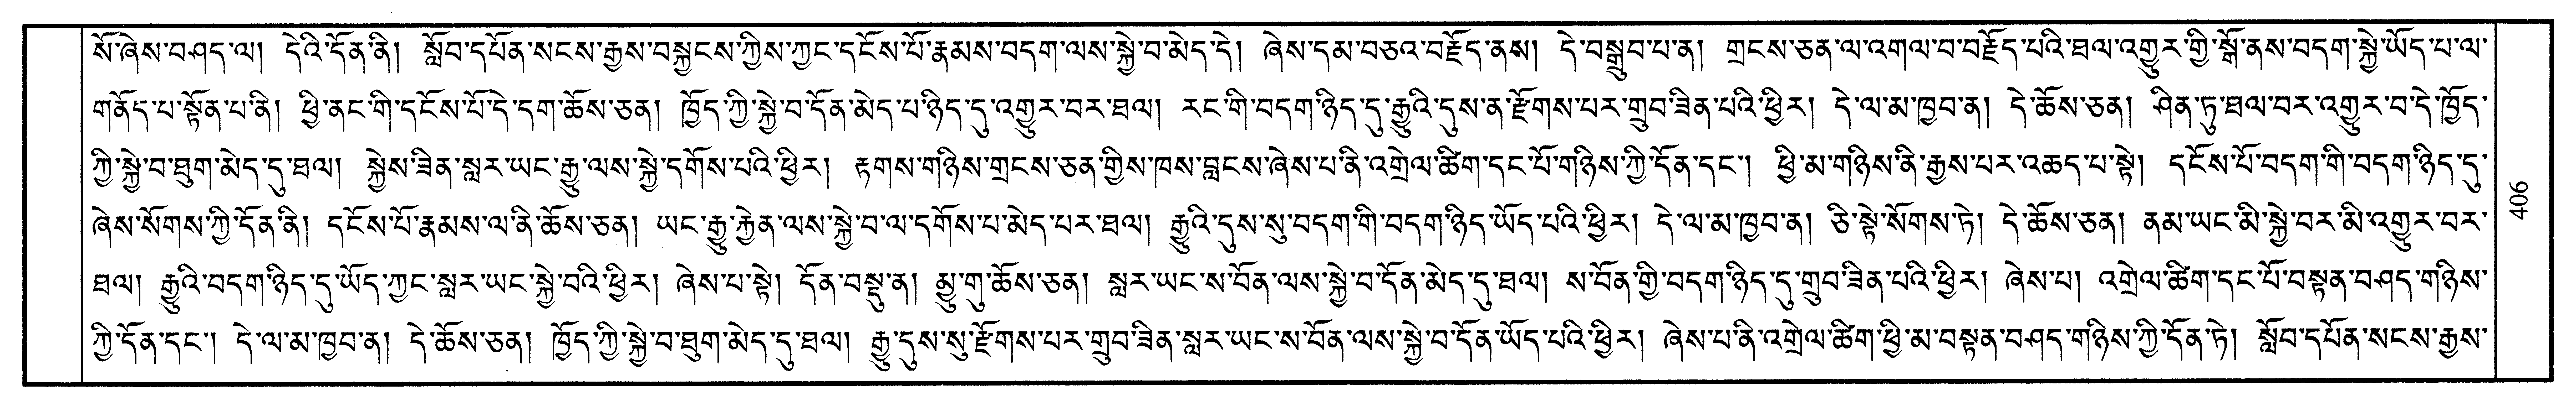སོ་ཞེས་བཤད་ལ། དེའི་དོན་ནི། སློབ་དཔོན་སངས་རྒྱས་བསྐྱངས་ཀྱིས་ཀྱང་དངོས་པོ་རྣམས་བདག་ལས་སྐྱེ་བ་མེད་དེ། ཞེས་དམ་བཅའ་བརྗོད་ནས། དེ་བསྒྲུབ་པ་ན། གྲངས་ཅན་ལ་འགལ་བ་བརྗོད་པའི་ཐལ་འགྱུར་གྱི་སྒོ་ནས་བདག་སྐྱེ་ཡོད་པ་ལ་
གནོད་པ་སྟོན་པ་ནི། ཕྱི་ནང་གི་དངོས་པོ་དེ་དག་ཆོས་ཅན། ཁྱོད་ཀྱི་སྐྱེ་བ་དོན་མེད་པ་ཉིད་དུ་འགྱུར་བར་ཐལ། རང་གི་བདག་ཉིད་དུ་རྒྱུའི་དུས་ན་རྫོགས་པར་གྲུབ་ཟིན་པའི་ཕྱིར། དེ་ལ་མ་ཁྱབ་ན། དེ་ཆོས་ཅན། ཤིན་ཏུ་ཐལ་བར་འགྱུར་བ་དེ་ཁྱོད་
ཀྱི་སྐྱེ་བ་ཐུག་མེད་དུ་ཐལ། སྐྱེས་ཟིན་སླར་ཡང་རྒྱུ་ལས་སྐྱེ་དགོས་པའི་ཕྱིར། རྟགས་གཉིས་གྲངས་ཅན་གྱིས་ཁས་བླངས་ཞེས་པ་ནི་འགྲེལ་ཚིག་དང་པོ་གཉིས་ཀྱི་དོན་དང་། ཕྱི་མ་གཉིས་ནི་རྒྱས་པར་འཆད་པ་སྟེ། དངོས་པོ་བདག་གི་བདག་ཉིད་དུ་
ཞེས་སོགས་ཀྱི་དོན་ནི། དངོས་པོ་རྣམས་ལ་ནི་ཆོས་ཅན། ཡང་རྒྱུ་རྐྱེན་ལས་སྐྱེ་བ་ལ་དགོས་པ་མེད་པར་ཐལ། རྒྱུའི་དུས་སུ་བདག་གི་བདག་ཉིད་ཡོད་པའི་ཕྱིར། དེ་ལ་མ་ཁྱབ་ན། ཅི་སྟེ་སོགས་ཏེ། དེ་ཆོས་ཅན། ནམ་ཡང་མི་སྐྱེ་བར་མི་འགྱུར་བར་
ཐལ། རྒྱུའི་བདག་ཉིད་དུ་ཡོད་ཀྱང་སླར་ཡང་སྐྱེ་བའི་ཕྱིར། ཞེས་པ་སྟེ། དོན་བསྡུ་ན། མྱུ་གུ་ཆོས་ཅན། སླར་ཡང་ས་བོན་ལས་སྐྱེ་བ་དོན་མེད་དུ་ཐལ། ས་བོན་གྱི་བདག་ཉིད་དུ་གྲུབ་ཟིན་པའི་ཕྱིར། ཞེས་པ། འགྲེལ་ཚིག་དང་པོ་བསྟན་བཤད་གཉིས་
ཀྱི་དོན་དང་། དེ་ལ་མ་ཁྱབ་ན། དེ་ཆོས་ཅན། ཁྱོད་ཀྱི་སྐྱེ་བ་ཐུག་མེད་དུ་ཐལ། རྒྱུ་དུས་སུ་རྫོགས་པར་གྲུབ་ཟིན་སླར་ཡང་ས་བོན་ལས་སྐྱེ་བ་ཡོན་ཡོད་པའི་ཕྱིར། ཞེས་པ་ནི་འགྲེལ་ཚིག་ཕྱི་མ་བསྟན་བཤད་གཉིས་ཀྱི་དོན་ཏེ། སློབ་དཔོན་སངས་རྒྱས་